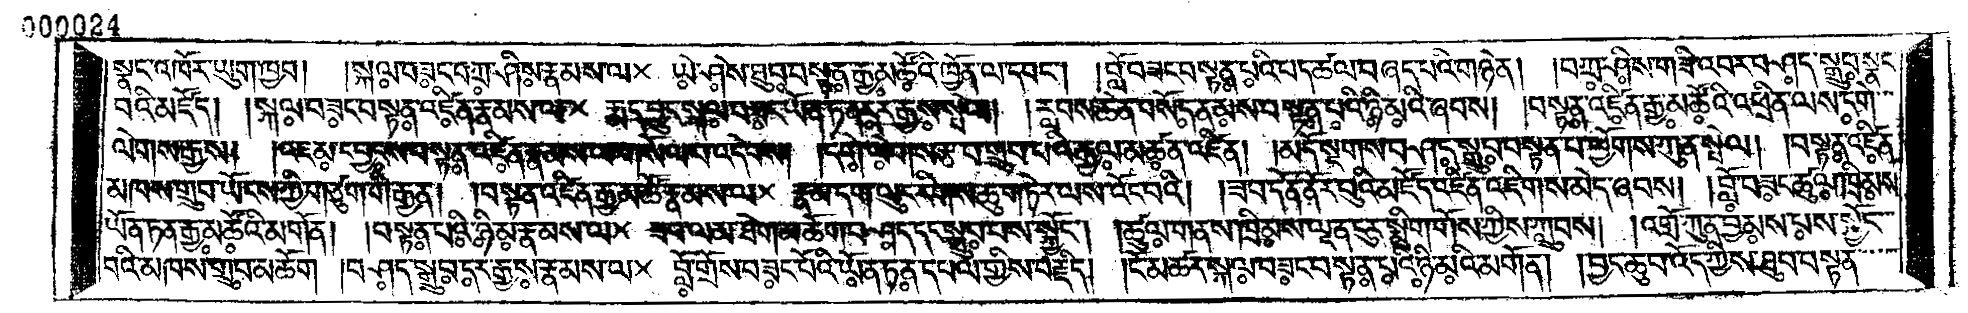སྣང་འཁོར་ཡུག་ཁྱབ། །སྐལ྾་བཟང྾་བཀྲ྾་ཤིས྾་རྣམས་ལ་྾་ཡེ྾་ཤེས྾་ཐུབ྾་བསྟན྾་རྒྱ྾་མཚོའི྾་ཁྱོན་ལ་དབང་། །བློ་བཟང་བསྟན྾་པའི྾་པད་ཚལ་བཞད་པའི་གཉེན། །བཀྲ྾་ཤིས྾་གཟི་འབར་བཤད྾་སྒྲུབ྾་སྣང་
བའི་མཛོད། །སྐལ྾་བཟང྾་བསྟན྾་འཛིན྾་རྣམས་ལ་྾་རྨད་བྱུང་སྐལ྾་བཟང྾་ཡོན་ཏན་དར྾་རྒྱས྾་སྤེལ། །རླབས་ཆེན་བསོད྾་ནམས྾་བསྟན྾་པའི྾་ཉི྾་མའི྾་ཞབས། །བསྟན྾་འཛིན྾་རྒྱ྾་མཚོའི྾་འཕྲིན་ལས྾་དགེ་
ལེགས་རྒྱས། །འཇམ྾་དབྱངས྾་བསྟན྾་འཛིན྾་རྣམས་ལ་གསོལ་བ་འདེབས། །དགེ྾་ལེགས྾་རྩ་བ་གྲུབ་པའི་རྒྱལ྾་མཚན྾་འཛིན། །མདོ་སྔགས་བཤད྾་སྒྲུབ྾་བསྟན་པ་ཕྱོགས་ཀུན་སྤེལ། །བསྟན྾་འཛིན྾་
མཁས་གྲུབ་ཡོངས་ཀྱི་གཙུག་གི་རྒྱན། །བསྟན་འཛིན་རྒྱ་མཚོ་རྣམས་ལ་྾་རྣམ་དག་ལུང་རིགས་ཆུ་གཏེར་ལས་འོང་བའི། །ཟབ་དོན་ནོར་བུའི་མཛོད་འཛིན་འཇིགས་མེད་ཞབས། །བློ྾་བཟང྾་ཚུལ྾་ཁྲིམས྾་
ཡོན་ཏན་རྒྱ྾་མཚོའི྾་མགོན། །བསྟན྾་པའི྾་ཉི྾་མ྾་རྣམས་ལ་྾་ཟབ་ལམ་ཐེག་མཆོག་བཤད྾་དང་སྒྲུབ྾་པས་སྐྱོང་། །ཚུལ྾་གནས་ཁྲིམས྾་ལྡན་ངུར་སྨྲིག་གོས་ཀྱིས་ཀླུབས། །འགྲོ་ཀུན་བྱམས྾་པས྾་སྐྱོང་
བའི་མཁས་གྲུབ་མཆོག །བཤད྾་སྒྲུབ྾་དར྾་རྒྱས྾་རྣམས་ལ་྾་བློ྾་གྲོས་བཟང྾་པོའི་ཡོན྾་ཏན྾་དཔལ་གྱིས་བརྗིད། །ངོ་མཚར་སྐལ྾་བཟང྾་བསྟན྾་པའི྾་ཉི྾་མའི྾་མགོན། །བྱང་ཆུབ་འོད་ཀྱིས་ཐུབ་བསྟན་